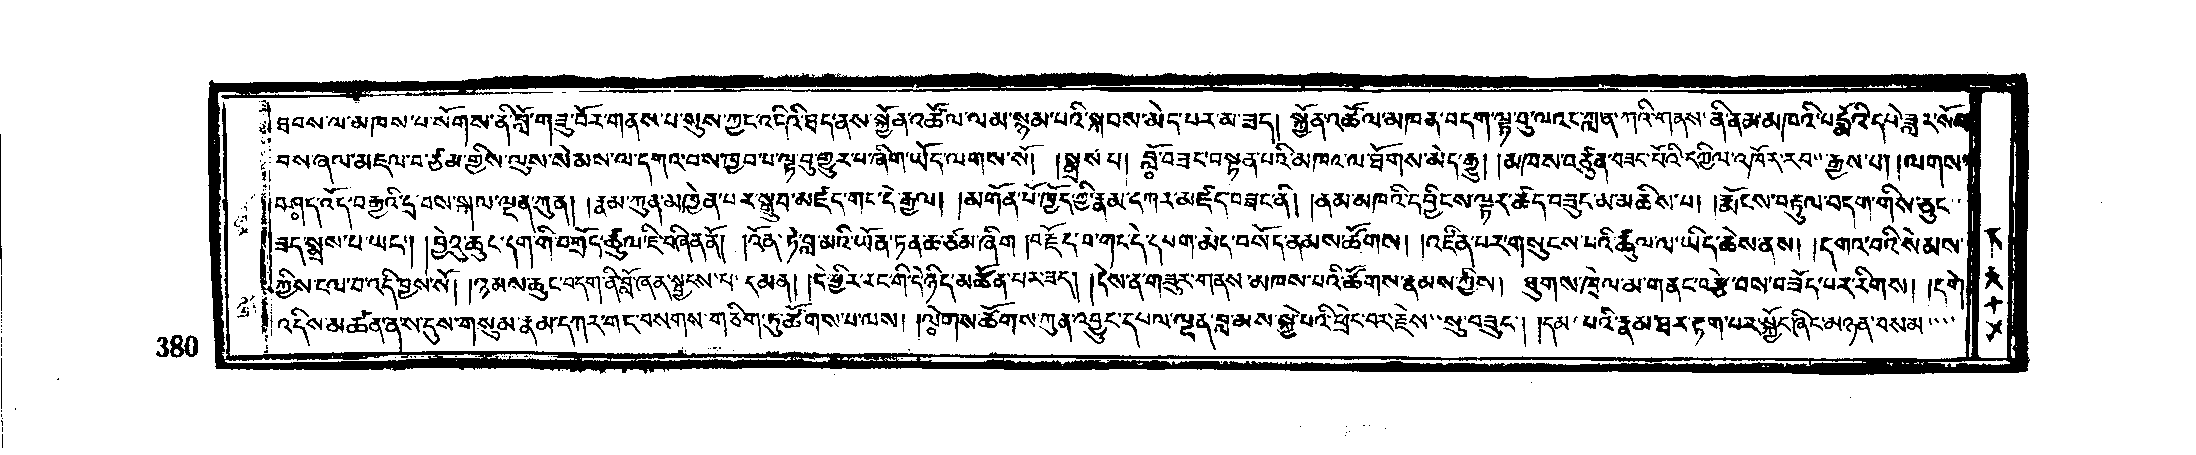ཐབས་ལ་མཁས་པ་སོགས་ནི་བློ་གཟུ་བོར་གནས་པ་སུས་ཀྱང་འདིའི་ཐད་ནས་སྐྱོན་འཚོལ་ལམ་སྙམ་པའི་སྐབས་མེད་པར་མ་ཟད། སྐྱོན་འཚོལ་མཁན་བདག་ལྟ་བུ་ལའང་ཀླ་ན་ཀའི་གནས་ནི་ནམ་མཁའི་པདམོའི་དཔེ་ཟླར་སོག?
བས་ཞལ་མཇལ་བ་ཙམ་གྱིས་ལུས་སེམས་ལ་དགའ་བས་ཁྱབ་པ་ལྟ་བུ་གྱུར་པ་ཞིག་ཡོད་ལགས་སོ། །སྨྲས་པ། བློ྾་བཟང་བསྟན་པའི་མཁའ་ལ་ཐོགས་མེད་རྒྱུ། །མཁས་བཙུན་བཟང་པོའི་དཀྱིལ་འཁོར་རབ་རྒྱས་པ། །ལགས་
བཤད྾་འོད་བརྒྱའི་དྲ་བས་སྐལ་ལྡན་ཀུན། །རྣམ་ཀུན་མཁྱེན་པར་སྒྲུབ་མཛད་གང་དེ་རྒྱལ། །མགོན་པོ་ཁྱོད་ཀྱི་རྣམ་དཀར་མཛད་བྲང?་ནི། །ནམ་མཁའི་དབྱིངས་ལྟར་ཚད་བཟུང་མ་མཆིས་པ། །རྨོངས་བརྟུལ་བདག་གིས་ཅུང་
ཟད་སྨྲས་པ་ཡང་། །བྱེའུ་ཆུང་དག་གི་བགྲོད་ཚུལ་ཇི་བཞིན་ནོ། །འོན་ཏེ་བླ་མའི་ཡོན་ཏན་ཆ་ཙམ་ཞིག །བརྗོད་པ་གང་དེ་དཔག་མེད་བསོད་ནམས་ཚོགས། །འཛིན་པར་གསུངས་པའི་ཚུལ་ལ་ཡིད་ཆེས་ནས། །དགའ་བའི་སེམས་
ཀྱིས་ངལ་བ་འདི་བྱས་སོ། །ཉམས་ཆུང་བདག་ནི་བློ་ཞན་སྦྱངས་པ་དམན། །དེ་ཕྱིར་རང་གི་དེ་ཉིད་མཚོན་པར་ཟད། །དེས་ན་གཟུར་གནས་མཁས་པའི་ཚོགས་རྣམས་ཀྱིས། ཐུགས་ཁྲེལ་མ་གནང་བརྩེ་བས་བཟོད་པར་རིགས། །དགེ་
འདིས་མཚན་ན་ས་དུས་གསུམ་རྣམ་དཀར་གང་བསགས་གཅིག་ཏུ་ཚོགས་པ་ལས། །ལེགས྾་ཚོགས་ཀུན་འབྱུང་དཔལ་ལྡན་བླ་མས་སྐྱེ་པའི་ཕྲེང་བར་རྗེས་སུ་བཟུང་། །དམ་པའི་རྣམ་ཐར་རྟག་པར་སྐྱོང་ཞིང་མཉན་བསམ་